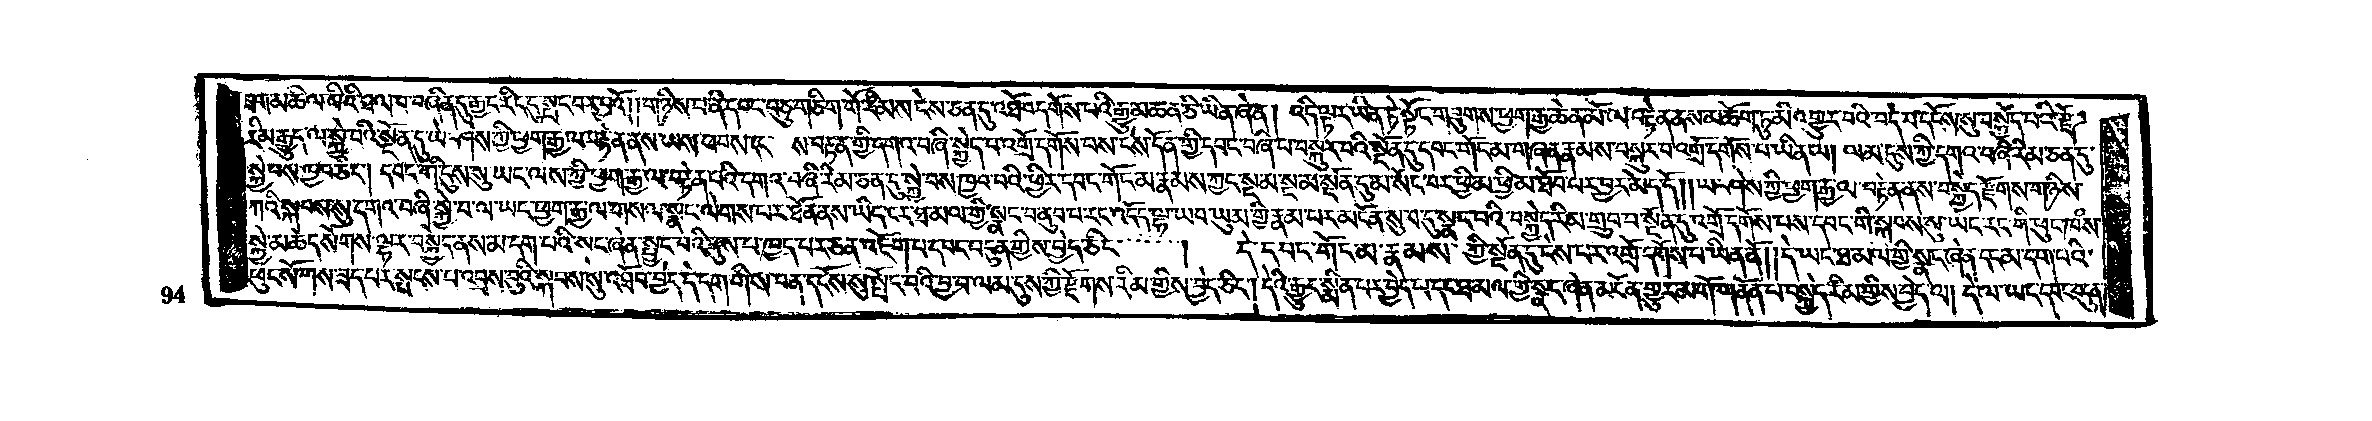ཟག་མཆིལ་མིའི་ཐལ་བ་བཞིན་དུ་རྒྱང་རིང་དུ་སྤང་བར་བྱའོ། །གཉིས་པ་ནི་དབང་བཅུ་གཅིག་གོ་རིམས་ངེས་ཅན་དུ་འཐོབ་དགོས་པའི་རྒྱུ་མཚན་ཅི་ཡིན་ཞེ་ན། འདི་ལྟར་ཡིན་ཏེ་སྟོང་གཟུགས་ཕྱག་རྒྱ་ཆེན་མོ་ལ་བརྟེན་ནས་མཆོག་ཏུ་མི་འགྱུར་བའི་བདེ་བ་དངོས་སུ་བསྐྱོད་པའི་རྫོགས་
རིམ་རྒྱུད་ལ་སྐྱེ་བའི་སྔོན་དུ་ཡེ་ཤེས་ཀྱི་ཕྱག་རྒྱལ་བརྟེན་ནས་ཡས་ཕབས་དང་ས་བརྟན་གྱི་དགའ་བཞི་སྐྱེད་པ་འགྲོ་དགོས་པས་ངེས་དོན་གྱི་དབང་བཞི་པ་བསྐུར་བའི་སྔོན་དུ་དབང་གོང་མ་གཞན་རྣམས་བསྐུར་བ་འགྲོ་དགོས་པ་ཡིན་ལ། ལམ་དུས་ཀྱི་དགའ་བཞི་རིམ་ཅན་དུ་
སྐྱེ་བས་ཁྱབ་ཅིང་། དབང་གི་དུས་སུ་ཡང་ལས་ཀྱི་ཕྱག་རྒྱ་ལ་བརྟེན་པའི་དགའ་བཞི་རིམ་ཅན་དུ་སྐྱེ་བས་ཁྱབ་པའི་ཕྱིར་དབང་གོང་མ་རྣམས་ཀྱང་སྔ་མ་སྔ་མ་སྔོན་དུ་མ་སོང་བར་ཕྱི་མ་ཕྱི་མ་ཐོབ་པར་བྱར་མེད་དོ། །ཡེ་ཤེས་ཀྱི་ཕྱག་རྒྱ་ལ་བརྟེན་ནས་བསྐྱེད་རྫོགས་གཉིས་
ཀའི་སྐབས་སུ་དགའ་བཞི་སྐྱེ་བ་ལ་ཡང་ཕྱག་རྒྱ་ལ་གསལ་སྣང་ལེགས་པར་ཐོན་ནས་ཡིད་ངར་ཐ་མལ་གྱི་སྣང་བ་ནུབ་པ་རང་འདོད་ལྷ་ཡབ་ཡུམ་གྱི་རྣམ་པར་མངོན་སུམ་དུ་སྣང་བའི་བསྐྱེད་རིམ་གྲུབ་པ་སྔོན་དུ་འགྲོ་དགོས་པས་དབང་གི་སྐབས་སུ་ཡང་རང་གི་ཕུང་ཁམས་
སྐྱེ་མཆེད་སོགས་ལྷར་བསྐྱེད་ནས་མ་དག་པའི་སང་ཞེན་སྤྱང་བའི་ནུས་པ་ཁྱད་པར་ཅན་འཇོག་པ་དབང་བདུན་གྱིས་བྱེད་ཅིང་། དེ་དབང་གོང་མ་རྣམས་ཀྱི་སྔོན་དུ་ངེས་པར་འགྲོ་དགོས་པ་ཡིན་ནོ། །དེ་ཡང་ཐ་མལ་གྱི་སྣང་ཞེན་དང་མ་དག་པའི་
ཕུང་སོགས་ཟད་པར་སྤངས་པ་འབྲས་བུའི་སྐབས་སུ་འཐོབ་བྱེད་དེ་དག་གི་ས་བོན་དངོས་སུ་སྤོང་བའི་བྱ་བ་ལམ་དུས་ཀྱི་རྫོགས་རིམ་གྱིས་བྱེད་ཅིང་། དེའི་རྒྱུད་སྨིན་པར་བྱེད་པ་དང་ཐ་མལ་གྱི་སྣང་ཞེན་མངོན་གྱུར་མགོ་གནོན་པ་བསྐྱེད་རིམ་གྱིས་བྱེད་ལ། དེ་ལ་ཡང་དབང་བདུན་